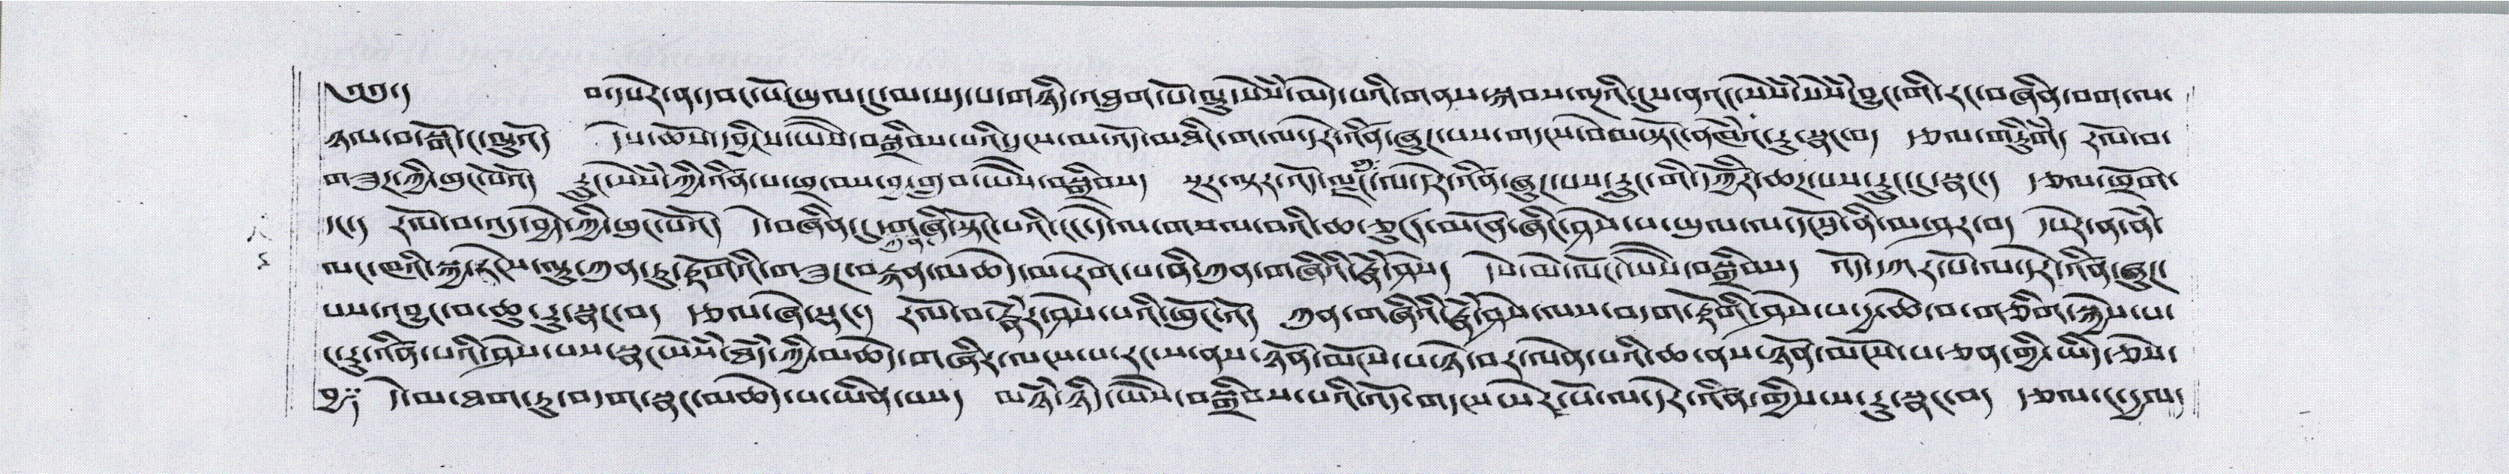བ་དཔེར་ན་དབང་པོ་ཡུལ་དུ་མ་སད་པ་གཉིད་འཐུག་པོ་ལྟ་བུ་སེམས་མེད་པའི་གནས་སྐབས་ལྔའི་དུས་ནའང་སེམས་སེམས་བྱུང་གི་རང་བཞིན་བག་ལ་
ཉལ་བ་སྒོ་ང་ལྟ་བུའོ། དེས་ཆོས་དབྱིངས་ཡེ་ཤེས་བསྒྲིབས་པའི་དྭངས་མ་འོད་མཐིང་ག་ལ་དེར་འཛིན་ཞུགས་པས་གདངས་བེམ་སྟོང་ནམ་མཁའ་རུ་སྣང་བ། རྩལ་གཏི་མུག་གམ། རོལ་བ་
གཟུགས་ཀྱི་ཕུང་པོའོ། རླུང་སེམས་ཀྱི་འཛིན་པ་ཕྲ་བས་བྱ་གྲུབ་ཡེ་ཤེས་བསྒྲིབས། སྔར་ལྟར་འོད་ལྗང་གུ་ལ་དེར་འཛིན་ཞུགས་པས་རླུང་གི་དཀྱིལ་འཁོར་ཆགས་པས་རླུང་དུ་སྣང། རྩལ་ཕྲོག་
དང། རོལ་བ་འདུ་བྱེད་ཀྱི་ཕུང་པོའོ། དེ་བཞིན་དུ་ཀུན་གཞི་སྟོང་པའི་ངང་དེ་ལ་གསལ་བའི་ཆ་ཅུང་ཟད་མངོན་ཞིང་ཤེས་པ་ཡུལ་ལ་དངོས་སུ་ནི་མ་ཤར་བ། དཔེར་ན་ནམ་
ལང་ཁའི་སྐྱ་རེངས་ལྟ་བུ་ཀུན་ཏུ་རྟོག་པའི་གཟུགས་བརྙན་མཆེད་མ་རེག་པ་ནི་ཀུན་གཞིིའི་རྣམ་ཤེས། དཔེ་མེ་ལོང་ཡེ་ཤེས་བསྒྲིབས། འོད་དཀར་པོ་ལ་དེར་འཛིན་ཞུགས་
པས་འབྱུང་བ་ཆུ་རུ་སྣང་བ། རྩལ་ཞེ་སྡང། རོལ་བ་རྣམ་པར་ཤེས་པའི་ཕུང་པོའོ། ཀུན་གཞིའི་རྣམ་ཤེས་ལས་བདག་རྟོག་གི་ཤེས་པ་རྒྱ་ཆེ་བ་གཅིག་སྐྱེས་པ་
ང་རུ་འཛིན་པའི་ཤེས་པས་སྣང་སེམས་ཐམས་ཅད་ཀྱི་མཆེད་གཞིར་ལངས་པ་རང་ས་ནས་ཉོན་མོངས་པ་ཉེ་བར་ལེན་པའི་ཆ་ནས་ཉོན་མོངས་པ་ཅན་གྱི་ཡིད་ཅེས་
བྱ། དེ་མ་ཐག་ཏུ་བདག་སྣང་མཆེད་པ་ཡིན་པས། མཉམ་ཉིད་ཡེ་ཤེས་བསྒྲིབས་པའི་འོད་གདངས་སེར་པོ་ལ་དེར་འཛིན་གྱིས་ས་རུ་སྣང་བ། རྩལ་ང་རྒྱལ་